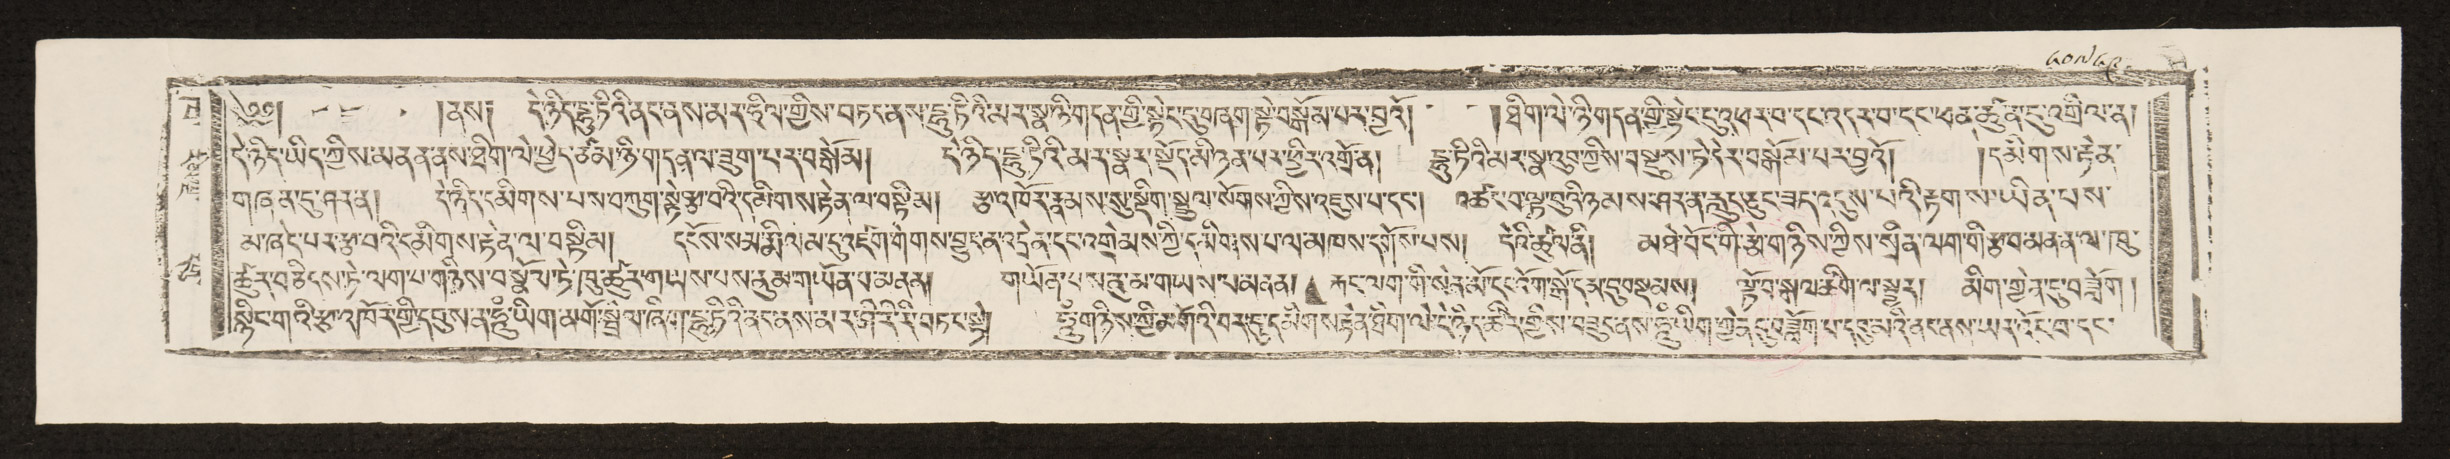༄༅། །ནས༑ དེ་ཉིད་དྷུ་ཏིའི་ནང་ནས་མར་ཧྲིལ་གྱིས་བཏང་ནས་དྷུ་ཏིའི་མར་སྣ་ཉི་གདན་གྱི་སྟེང་དུ་བཞག་སྟེ་བསྒོམ་པར་བྱའོ། །ཐིག་ལེ་ཉི་གདན་གྱི་སྟེང་དུ་འཕར་བ་དང་འདར་བ་དང་ཕན་ཚུན་དུ་
འགྲིལ་ན། དེ་ཉིད་ཡིད་ཀྱིས་མནན་ནས་ཐིག་ལེ་ཕྱེད་ཙམ་ཉི་གདན་ལ་ཟུག་བར་བསྒོམ། དེ་ཉིད་དྷུ་ཏིའི་མར་སྣར་སྡོང་མི་ཉན་བར་ཕྱིར་འགྲོ་ན། དྷུ་ཏིའི་མར་སྣ་འུབ་ཀྱིས་བསྡུས་ཏེ་དེར་བསྒོམ་བར་བྱའོ། །དམིགས་རྟེན་
གཞན་དུ་ཤར་ན། དེ་ཉིད་དམིགས་པས་བཀུག་སྟེ་རྩ་བའི་དམིགས་རྟེན་ལ་བསྟིམ། རྩ་འཁོར་རྣམས་སུ་སྡིག་སྤྲུལ་སོགས་ཀྱིས་འཇུས་པ་དང་། འཚང་བ་ལྟ་བུའི་ཉམས་ཤར་ན་རླུང་ཅུང་ཟད་འདུས་པའི་རྟགས་ཡིན་བས་
མ་ཞེང་པར་རྩ་བའི་དམིགས་རྟེན་ལ་བསྟིམ། དངོས་སམ་རྨི་ལམ་དུ་འཛག་གེགས་བྱུང་ན་འདྲེན་དང་འགྲེམས་ཀྱི་དམིགས་བ་ལ་མཁས་དགོས་པས། དེའི་ཚུལ་ནི། མཐེ་བོང་གི་རྩེ་གཉིས་ཀྱིས་སྲིན་ལག་གི་རྩ་བ་མན་ན་ལ་ཁུ་
ཚུར་བཅིངས་ཏེ་ལག་པ་གཉིས་བསྣོལ་ཏེ་ཁུ་ཚུར་གཡས་བས་ནུ་མ་གཡོན་བ་མནན། གཡོན་པས་ནུ་མ་གཡས་བ་མནན། རྐང་ལག་གི་སེན་མོ་དང་འོག་སྒོ་ངམ་དུ་བསྡམས། ལྟོ་བ་སྒལ་ཚིག་ལ་སྦྱར། མིག་གྱེན་དུ་བཟློག།
སྙིང་གའི་རྩ་འཁོར་གྱི་དབུས་ན་ཧཱུཾ་ཡིག་མགོ་སྦྲེལ་ཞིག་དྷུ་ཏིའི་ནང་ནས་མར་ཤི་རི་རི་བཏང་སྟེ། ཧཱུཾ་གཉིས་ཀྱི་མགོའི་བར་དུ་དམིགས་རྟེན་ཐིག་ལེ་དེ་ཉིད་ཚིར་གྱིས་བཟུང་ནས་ཧཱུཾ་ཡིག་གྱེན་དུ་བཟློག་པ་དབུ་མའི་ནང་ནས་ཡར་འོང་བ་དང་